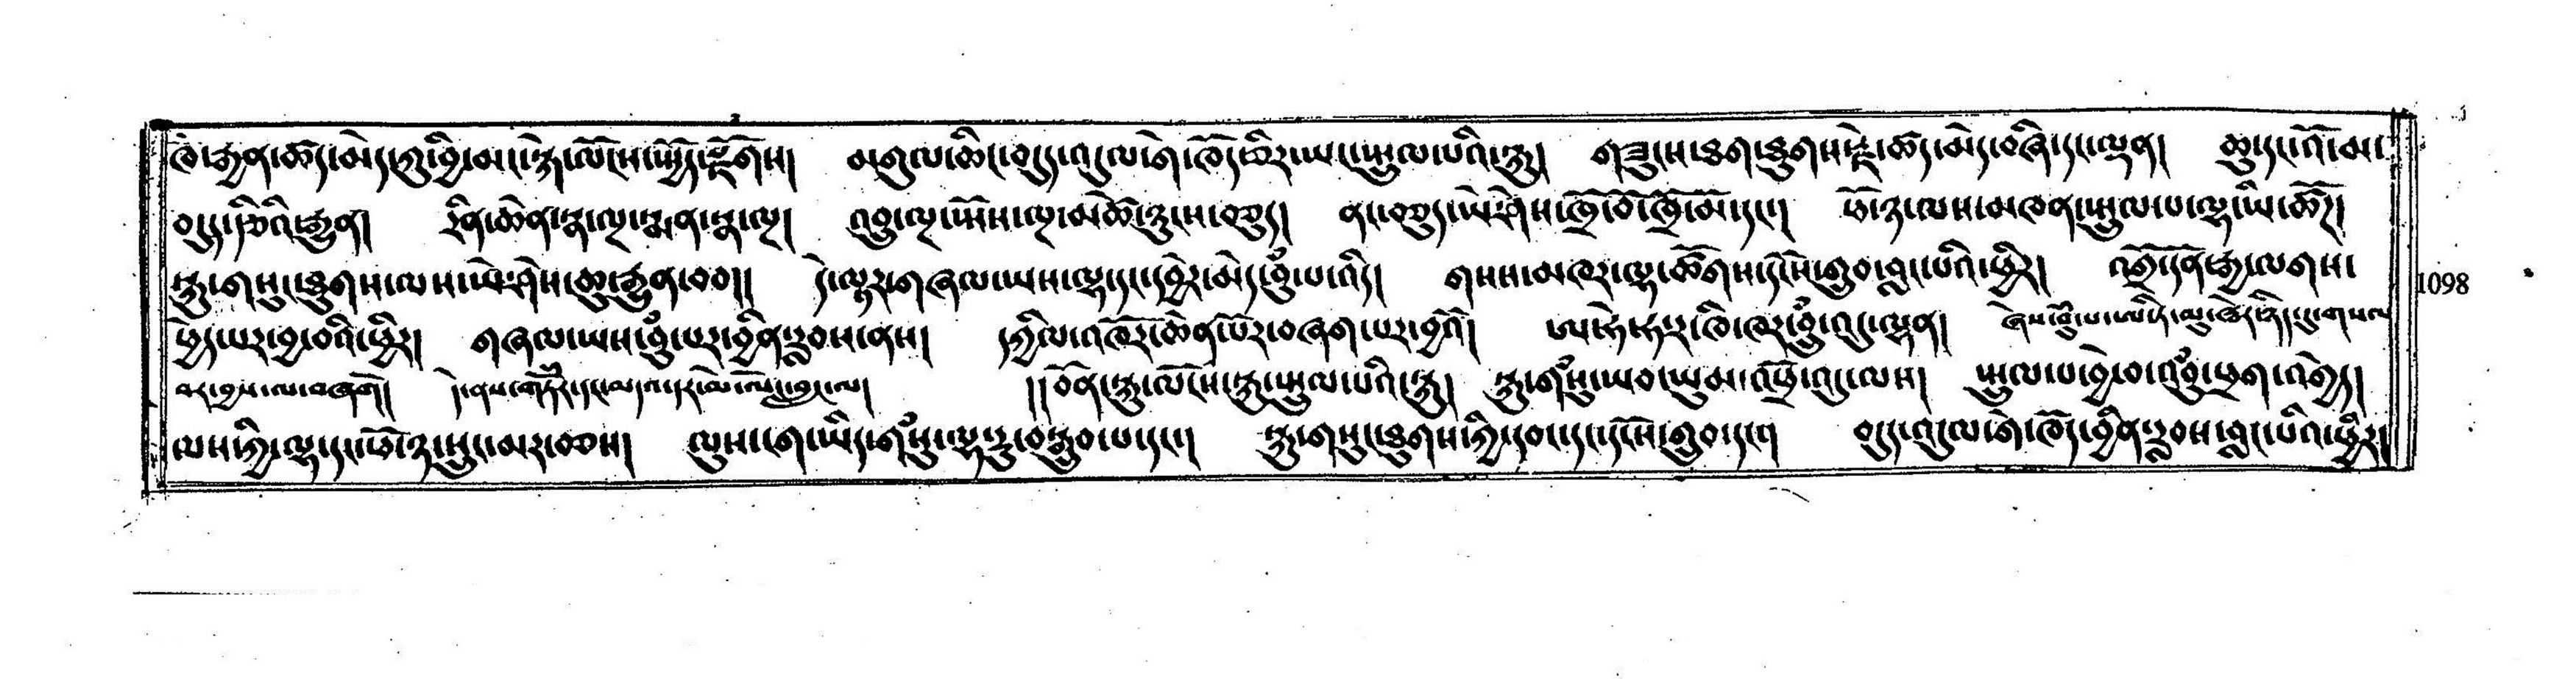ཁ་རྒྱན་ཚད་མེད་ཀུ་བྱི་མང་སྐེ་ལོངས་སྤྱོད་རྫོགས། མགུལ་ཆིང་བདུད་འདུལ་གེ་ཁོད་ཅིར་ཡང་སྤྲུལ་པའི་སྐུ། གཟུངས་ཐག་ཐུགས་རྗེ་ཚད་མེད་བཞི་དང་ལྡན། ཆུ་དང་འོ་མ་
བདུད་རྩིའི་རྒྱུན། རིན་ཆེན་སྣ་ལྔ་སྨན་སྣ་ལྔ། འབྲུ་ལྔ་སྤོས་ལྔ་མཚེ་ཉུངས་བཅུད། ནང་བཅུད་ཡེ་ཤེས་ཁྲོ་བོ་ཁྲོ་མོ་དང་། ཕོ་ཉ་ལས་མཁན་སྤྲུལ་པ་ལྷ་ཡི་ཚོགས། 
སྐུ་གསུང་ཐུགས་ལས་ཡེ་ཤེས་ཆུ་རྒྱུན་བབ།། དེ་ལྟར་གཞལ་ཡས་ལྷ་དང་དབྱེར་མེད་བུམ་པ་འདི། གསས་མཁར་ལྷ་ཚོགས་དངོས་གྲུབ་བླང་པའི་ཕྱིར། འགྲོ་དོན་རྒྱ་ལགས་
ཕྱེད་པར་བྱ་བའི་ཕྱིར། གཞལ་ཡས་བུམ་པར་བྱིན་བརླབས་ནས། དཀྱིལ་འཁོར་ཆེན་པོར་བཞག་པར་བྱའོ། ཨ་ཧེ་ཧ་ར་ཁི་ཁར་བྲུཾ་འདུ་ལྷན། ཞེས་བུམ་པ་ཨ་ཏི་མུ་ཝེར་ཉིད་དུ་གསལ་
བར་བྱས་ལ་བཞག་གོ། དེ་ནས་གཏོར་མ་དང་{1117}མདའ་དར་མེ་ལོང་བླང་ལ།། །།བོན་སྐུ་ལོངས་སྐུ་སྤྲུལ་པའི་སྐུ། སྐུ་གསུམ་ཡབ་ཡུམ་འཕྲོ་འདུ་ལས། སྤྲུལ་པ་བྱེ་བ་འབུམ་ཕྲག་འགྱེད། 
ལས་ཀྱི་ལྷ་དང་ཕོ་ཉ་སྲུང་མར་བཅས།། ལུས་ངག་ཡིད་གསུམ་ལྷ་རུ་བསྒྲུབ་པ་དང་། སྐུ་གསུང་ཐུགས་ཀྱི་དབང་དང་དངོས་གྲུབ་དང་། བདུད་འདུལ་གེ་ཁོད་བྱིན་རླབས་བླང་པའི་ཕྱིར།